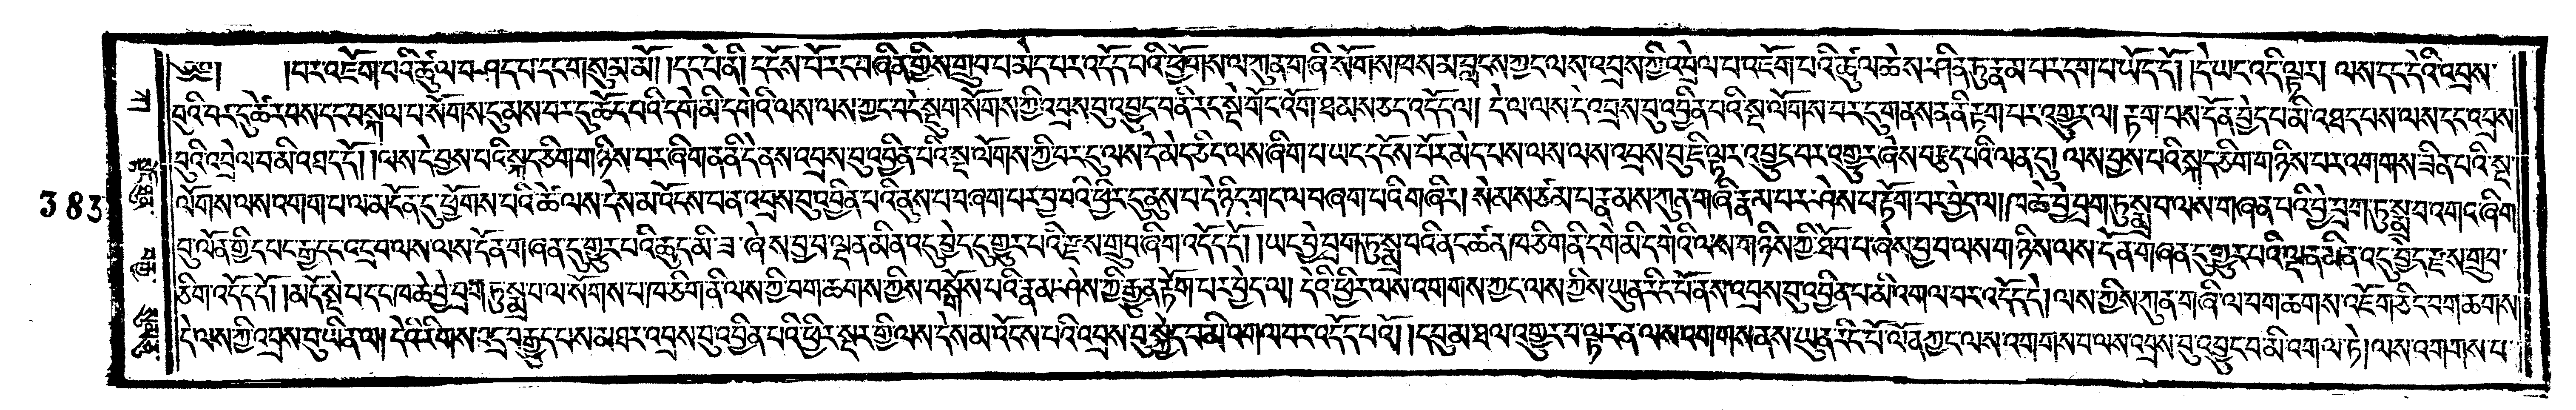༄༅། །པར་འཇོག་པའི་ཚུལ་བཤད་པ་དང་གསུམ་མོ། །དང་པོ་ནི། དངོས་པོ་རང་བཞིན་གྱིས་གྲུབ་པ་མེད་པར་འདོད་པའི་ཕྱོགས་ལ་ཀུན་གཞི་སོགས་ཁས་མ་བླངས་ཀྱང་ལས་འབྲས་ཀྱི་འབྲེལ་པ་འཇོག་པའི་ཚུལ་ཆེས་ཤིན་ཏུ་རྣམ་པར་དག་པ་ཡོད་དོ། །དེ་ཡང་འདི་ལྟར། ལས་དང་དེའི་འབྲས་
བུའི་བར་དུ་ཚེ་རབས་དང་བསྐལ་པ་སོགས་དུ་མས་བར་དུ་ཆོད་པའི་དགེ་མི་དགེའི་ལས་ལས་ཀྱང་བདེ་སྡུག་སོགས་ཀྱི་འབྲས་བུ་འབྱུང་བ་ནི་རང་སྡེ་གོང་འོག་ཐམས་ཅད་འདོད་ལ། དེ་ལ་ལས་དེ་འབྲས་བུ་འབྱིན་པའི་སྔ་ལོགས་བར་དུ་གནས་ན་ནི་རྟག་པར་འགྱུར་ལ། རྟག་པས་དོན་བྱེད་པ་མི་འཐད་པས་ལས་དང་འབྲས་
བུའི་འབྲེལ་བ་མི་འཐད་དོ། །ལས་དེ་བྱས་པའི་སྐད་ཅིག་གཉིས་པར་ཞིག་ན་ནི་དེ་ནས་འབྲས་བུ་འབྱིན་པའི་སྔ་ལོགས་ཀྱི་བར་དུ་ལས་དེ་མེད་ཅིང་ལས་ཞིག་པ་ཡང་དངོས་པོར་མེད་པས་ལས་ལས་བྲས་བུ་ཇི་ལྟར་འབྱུང་བར་འགྱུར་ཞེས་བརྩད་པའི་ལན་དུ། ལས་བྱས་པའི་སྐད་ཅིག་གཉིས་པར་འགགས་ཟིན་པའི་སྔ་
ལོགས་ལས་འགག་པ་ལ་མངོན་དུ་ཕྱོགས་པའི་ཚེ་ལས་དེས་མ་འོངས་པ་ན་འབྲས་བུ་འབྱིན་པའི་ནུས་པ་བཞག་པར་བྱ་བའི་ཕྱིར་དུ་ནུས་པ་དེ་ཉིད་གང་ལ་བཞག་པའི་གཞིར། སེམས་ཙམ་པ་རྣམས་ཀུན་གཞི་རྣམ་པར་ཤེས་པ་རྟོག་པར་བྱེད་ལ། ཁ་ཆེ་བྱེ་བྲག་ཏུ་སྨྲ་བ་ལས་གཞན་པའི་བྱེ་བྲག་ཏུ་སྨྲ་བ་འགའ་ཞིག་
བུ་ལོན་གྱི་དཔང་རྒྱ་དང་འདྲ་བ་ལས་ལས་དོན་གཞན་དུ་གྱུར་པའི་ཆུད་མི་ཟད་ཞེས་བྱ་བ་ལྡན་མིན་འདུ་བྱེད་དུ་གྱུར་པའི་རྫས་གྲུབ་ཞིག་འདོད་དོ། །ཡང་བྱེ་བྲག་ཏུ་སྨྲ་བའི་ནང་ཚན་ཁ་ཅིག་ནི་དགེ་མི་དགེའི་ལས་གཉིས་ཀྱི་ཐོབ་པ་ཞེས་བྱ་བ་ལས་གཉིས་ལས་དོན་གཞན་དུ་གྱུར་པའི་ལྡན་མིན་འདུ་བྱེད་རྫས་གྲུབ་
ཅིག་འདོད་དོ། །མདོ་སྡེ་པ་དང་ཁ་ཆེ་བྱེ་བྲག་ཏུ་སྨྲ་པ་ལ་སོགས་པ་ཁ་ཅིག་ནི་ལས་ཀྱི་བག་ཆགས་ཀྱིས་བསྒོས་པའི་རྣམ་ཤེས་ཀྱི་རྒྱུན་རྟོག་པར་བྱེད་ལ། དེའི་ཕྱིར་ལས་འགགས་ཀྱང་ལས་ཀྱིས་ཡུན་རིང་པོ་ནས་འབྲས་བུ་འབྱིན་པ་མི་འགལ་བར་འདོད་དེ། ལས་ཀྱིས་ཀུན་གཞི་ལ་བག་ཆགས་འཇོག་ཅིང་བག་ཆགས་
དེ་ལས་ཀྱི་འབྲས་བུ་ཡིན་ལ། དེའི་རིགས་འདྲ་བརྒྱུད་པས་མཐར་འབྲས་བུ་འབྱིན་པའི་ཕྱིར་སྔར་གྱི་ལས་དེས་མ་འོངས་པའི་འབྲས་བུ་སྐྱེད་པ་མི་འགལ་བར་འདོད་པའོ། །དབུ་མ་ཐལ་འགྱུར་བ་ལྟར་ན་ལས་འགགས་ནས་ཡུན་རིང་པོ་ལོན་ཀྱང་ལས་འགགས་པ་ལས་འབྲས་བུ་འབྱུང་བ་མི་འགལ་ཏེ། ལས་འགགས་པ་